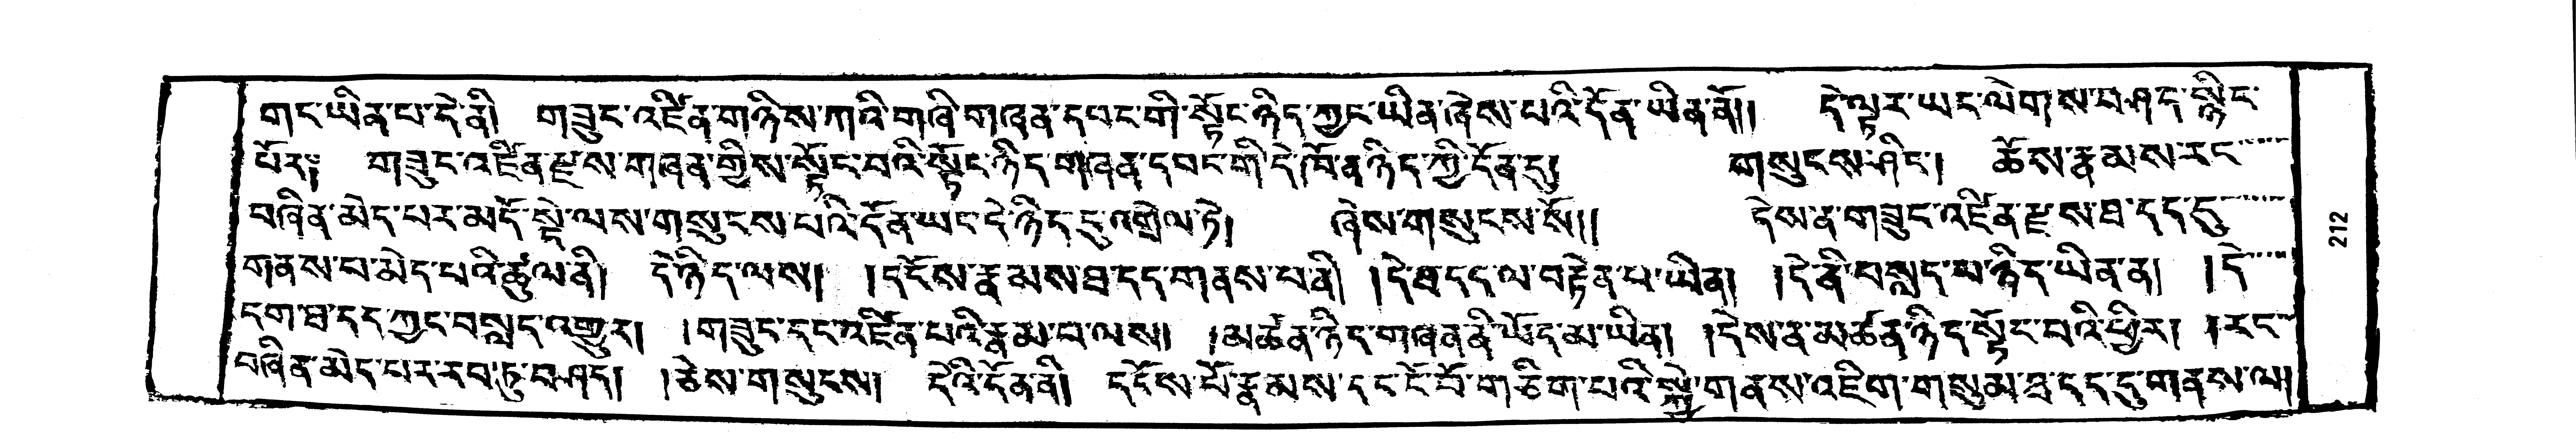གང་ཡིན་པ་དེ་ནི། གཟུང་འཛིན་གཉིས་ཀའི་གཞི་གཞན་དབང་གི་སྟོང་ཉིད་ཀྱང་ཡིན་ཞེས་པའི་དོན་ཡིན་ནོ། །དེ་ལྟར་ཡང་ལེགས་བཤད་སྙིང་
པོར། གཟུང་འཛིན་རྫས་གཞན་གྱིས་སྟོང་བའི་སྟོང་ཉིད་གཞན་དབང་གི་དེ་ཁོ་ན་ཉིད་ཀྱི་དོན་དུ། གསུངས་ཤིང་། ཆོས་རྣམས་རང་
བཞིན་མེད་པར་མདོ་སྡེ་ལས་གསུངས་པའི་དོན་ཡང་དེ་ཉིད་དུ་འགྲེལ་ཏེ། ཞེས་གསུངས་སོ། །དེས་ན་གཟུང་འཛིན་རྫས་ཐ་དད་དུ་
གནས་པ་མེད་པའི་ཚུལ་ནི། དེ་ཉིད་ལས། །དངོས་རྣམས་ཐ་དད་གནས་པ་ནི། །དེ་ཐ་དད་ལ་བརྟེན་པ་ཡིན། །དེ་ནི་བསླད་པ་ཉིད་ཡིན་ན། །དེ་
དག་ཐ་དད་ཀྱང་བསླད་འགྱུར། །གཟུང་དང་འཛིན་པའི་རྣམ་པ་ལས། །མཚན་ཉིད་གཞན་ནི་ཡོད་མ་ཡིན། །དེས་ན་མཚན་ཉིད་སྟོང་པའི་ཕྱིར། །རང་
བཞིན་མེད་པར་རབ་ཏུ་བཤད། །ཅེས་གསུངས། དེའི་དོན་ནི། དངོས་པོ་རྣམས་དང་ངོ་བོ་གཅིག་པའི་སྐྱེ་གནས་འཇིག་གསུམ་ཐ་དད་དུ་གནས་ལ།